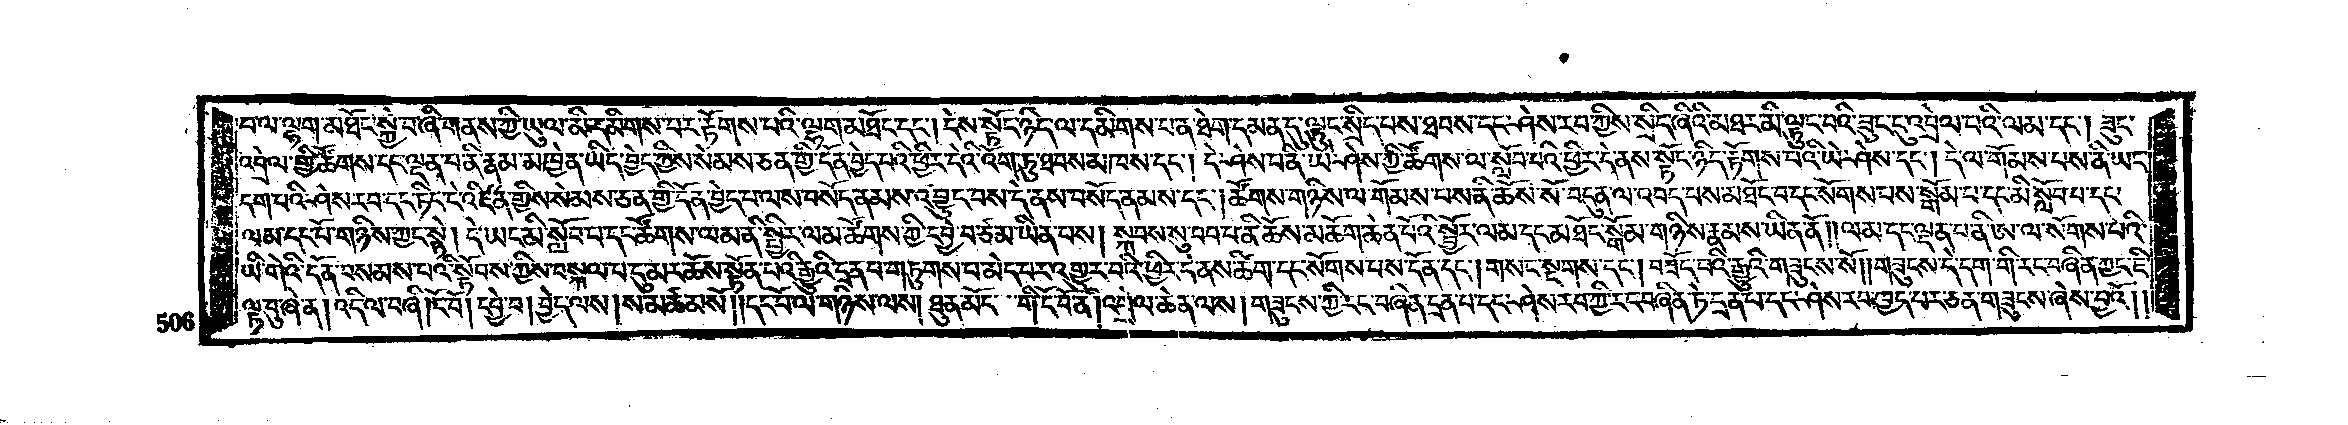པ་ལ་ལྷག་མཐོང་སྐྱེ་བ་ཞི་གནས་ཀྱི་ཡུལ་མི་དམིགས་པར་རྟོགས་པའི་ལྷག་མཐོང་དང་། དེས་སྟོང་ཉིད་ལ་དམིགས་པ་ན་ཐེག་དམན་དུ་ལྟུང་སྲིད་པས་ཐབས་དང་ཤེས་རབ་ཀྱིས་སྲིད་ཞིའི་མཐར་མི་ལྟུང་བའི་ཟུང་དུ་འབྲེལ་བའི་ལམ་དང་། ཟུང་
འབྲེལ་གྱི་ཚོགས་དང་ལྡན་པ་ནི་རྣམ་མཁྱེན་ཡིད་བྱེད་ཀྱིས་སེམས་ཅན་གྱི་དོན་བྱེད་པའི་ཕྱིར་དེའི་འོག་ཏུ་ཐབས་མཁས་དང་། དེ་ཤེས་པ་ནི་ཡེ་ཤེས་ཀྱི་ཚོགས་ལ་སློབ་པའི་ཕྱིར་དེ་ནས་སྟོང་ཉིད་རྟོགས་པའི་ཡེ་ཤེས་དང་། དེ་ལ་གོམས་པས་ནི་ཡང་
དག་པའི་ཤེས་རབ་དང་ཏིང་ངེ་འཛིན་གྱིས་སེམས་ཅན་གྱི་དོན་བྱེད་པ་ལས་བསོད་ནམས་འབྱུང་བས་དེ་ནས་བསོད་ནམས་དང་། ཚོགས་གཉིས་ལ་གོམས་པས་ནི་ཆོས་སོ་བདུན་ལ་འབད་པས་མཐོང་བ་དང་སོགས་པས་སྒོམ་པ་དང་མི་སློབ་པ་དང་
ལམ་དང་པོ་གཉིས་ཀྱང་སྟེ། དེ་ཡང་མི་སློབ་པ་དང་ཚོགས་ལམ་ནི་སྤྱིར་ལམ་ཚོགས་ཀྱི་དབྱེ་བ་ཙམ་ཡིན་པས། སྐབས་སུ་བབ་པ་ནི་ཆོས་མཆོག་ཆེན་པོའི་སྦྱོར་ལམ་དང་མཐོང་སྒོམ་གཉིས་རྣམས་ཡིན་ནོ། །ལམ་དང་ལྡན་པ་ནི་ཨ་ལ་སོགས་པའི་
ཡི་གེའི་དོན་བསམས་པའི་སྟོབས་ཀྱིས་བསྐལ་པ་དུ་མར་ཆོས་སྟོན་པའི་རྒྱུའི་དྲན་པ་གཏུགས་པ་མེད་པར་འགྱུར་བའི་ཕྱིར་དེ་ནས་ཚིག་དང་སོགས་པས་དོན་དང་། གསང་སྔགས་དང་། བཟོད་པའི་རྒྱུའི་གཟུངས་སོ། །གཟུངས་དེ་དག་གི་རང་བཞིན་ཀྱང་ཇི་
ལྟ་བུ་ཞེ་ན། འདི་ལ་བཞི། ངོ་བོ། དབྱེ་བ། བྱེད་ལས། ས་མཚམས་སོ། །དང་པོ་ལ་གཉིས་ལས། ཐུན་མོང་གི་ངོ་བོ་ནི། འགྲེལ་ཆེན་ལས། གཟུངས་ཀྱི་རང་བཞིན་དྲན་པ་དང་ཤེས་རབ་ཀྱི་རང་བཞིན་ཏེ་དྲན་པ་དང་ཤེས་རབ་ཁྱད་པར་ཅན་གཟུངས་ཞེས་བྱའོ། །